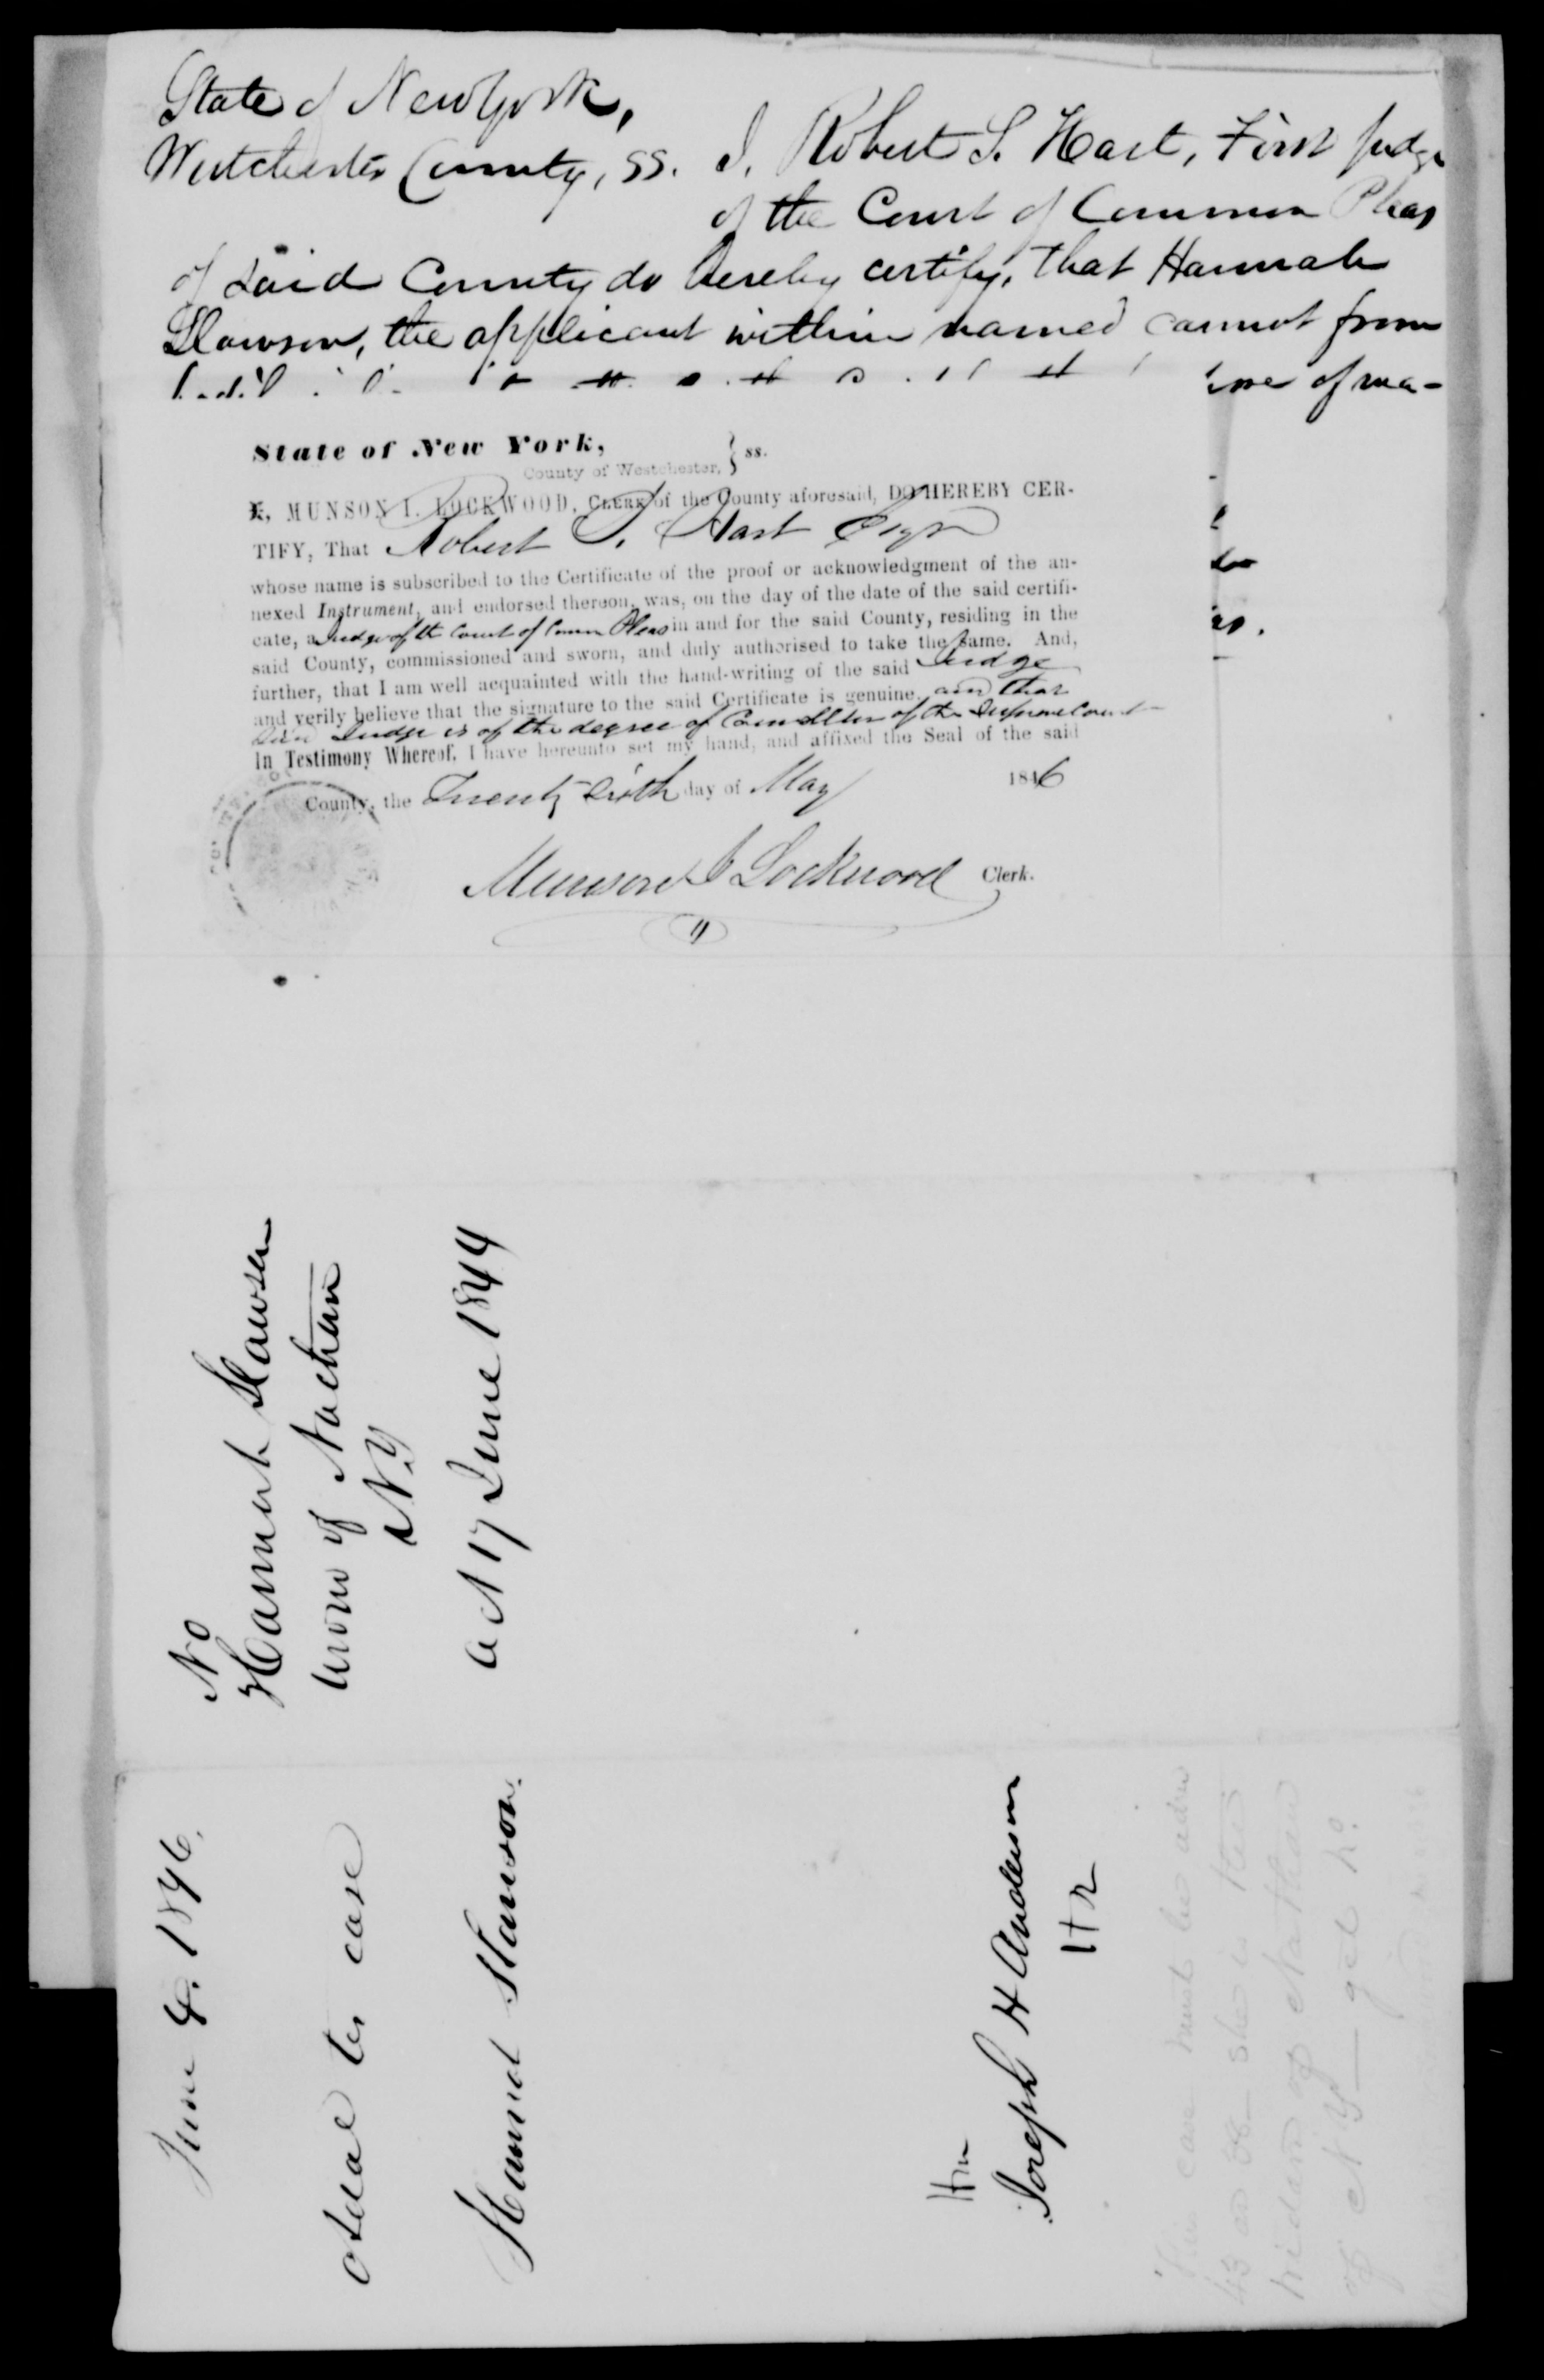State of New York, 
Westchester County, SS 
I, Robert S. Hart, first judge of the Court of Common Pleas of said County do hereby certify, that Hannah Slawson, the applicant within named cannot from bodily [unreadable]
State of New York, 
County of Westchester. } ss 
I MUNSON I. LOCKWOOD, of the County aforesaid, DO HEREBY CERTIFY, That Robert S. Hart or whose name is subscribed to the Certificate of the proof or acknowledgment of the annexed Instrument, and endorsed thereon, was, on the day of the date of the said certificate Judge of a Court of Common Pleas in and for the said County, residing in the said County, commissioned and sworn, and duly authorised to take the same. And further, that I am well acquainted with the handwriting of the said Judge and verily believe that the signature to the said Certificate is genuine, and that Judges of the degree of Counsellor of the Supreme Court 
In Testimony Whereof, I have hereunto set my hand, and affixed the Seal of the said county on the Twenty sixth day of May 1866 
Munson I Lockwood Clerk
June 4 1846
No. Hannah Slawson widow of Nathan NY act 17 June 1844
Add’l to case
Hannah Slawson
Hon Joseph H. Anderson
HR
This case must be addl 43 as 38 – she is the widow of Nathan of NY – get No.
May 30 Wm. Lockwood judge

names: Joseph H Anderson; Hannah Slawson; Munson I Lockwood; Munson I Lockwood; Robert S Hart; Hannah Slawson; Robert S Hart; Nathan Slawson; Hannah Slawson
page: 81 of 87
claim: widow's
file: W. 22,226, for Nathan Slawson, Connecticut